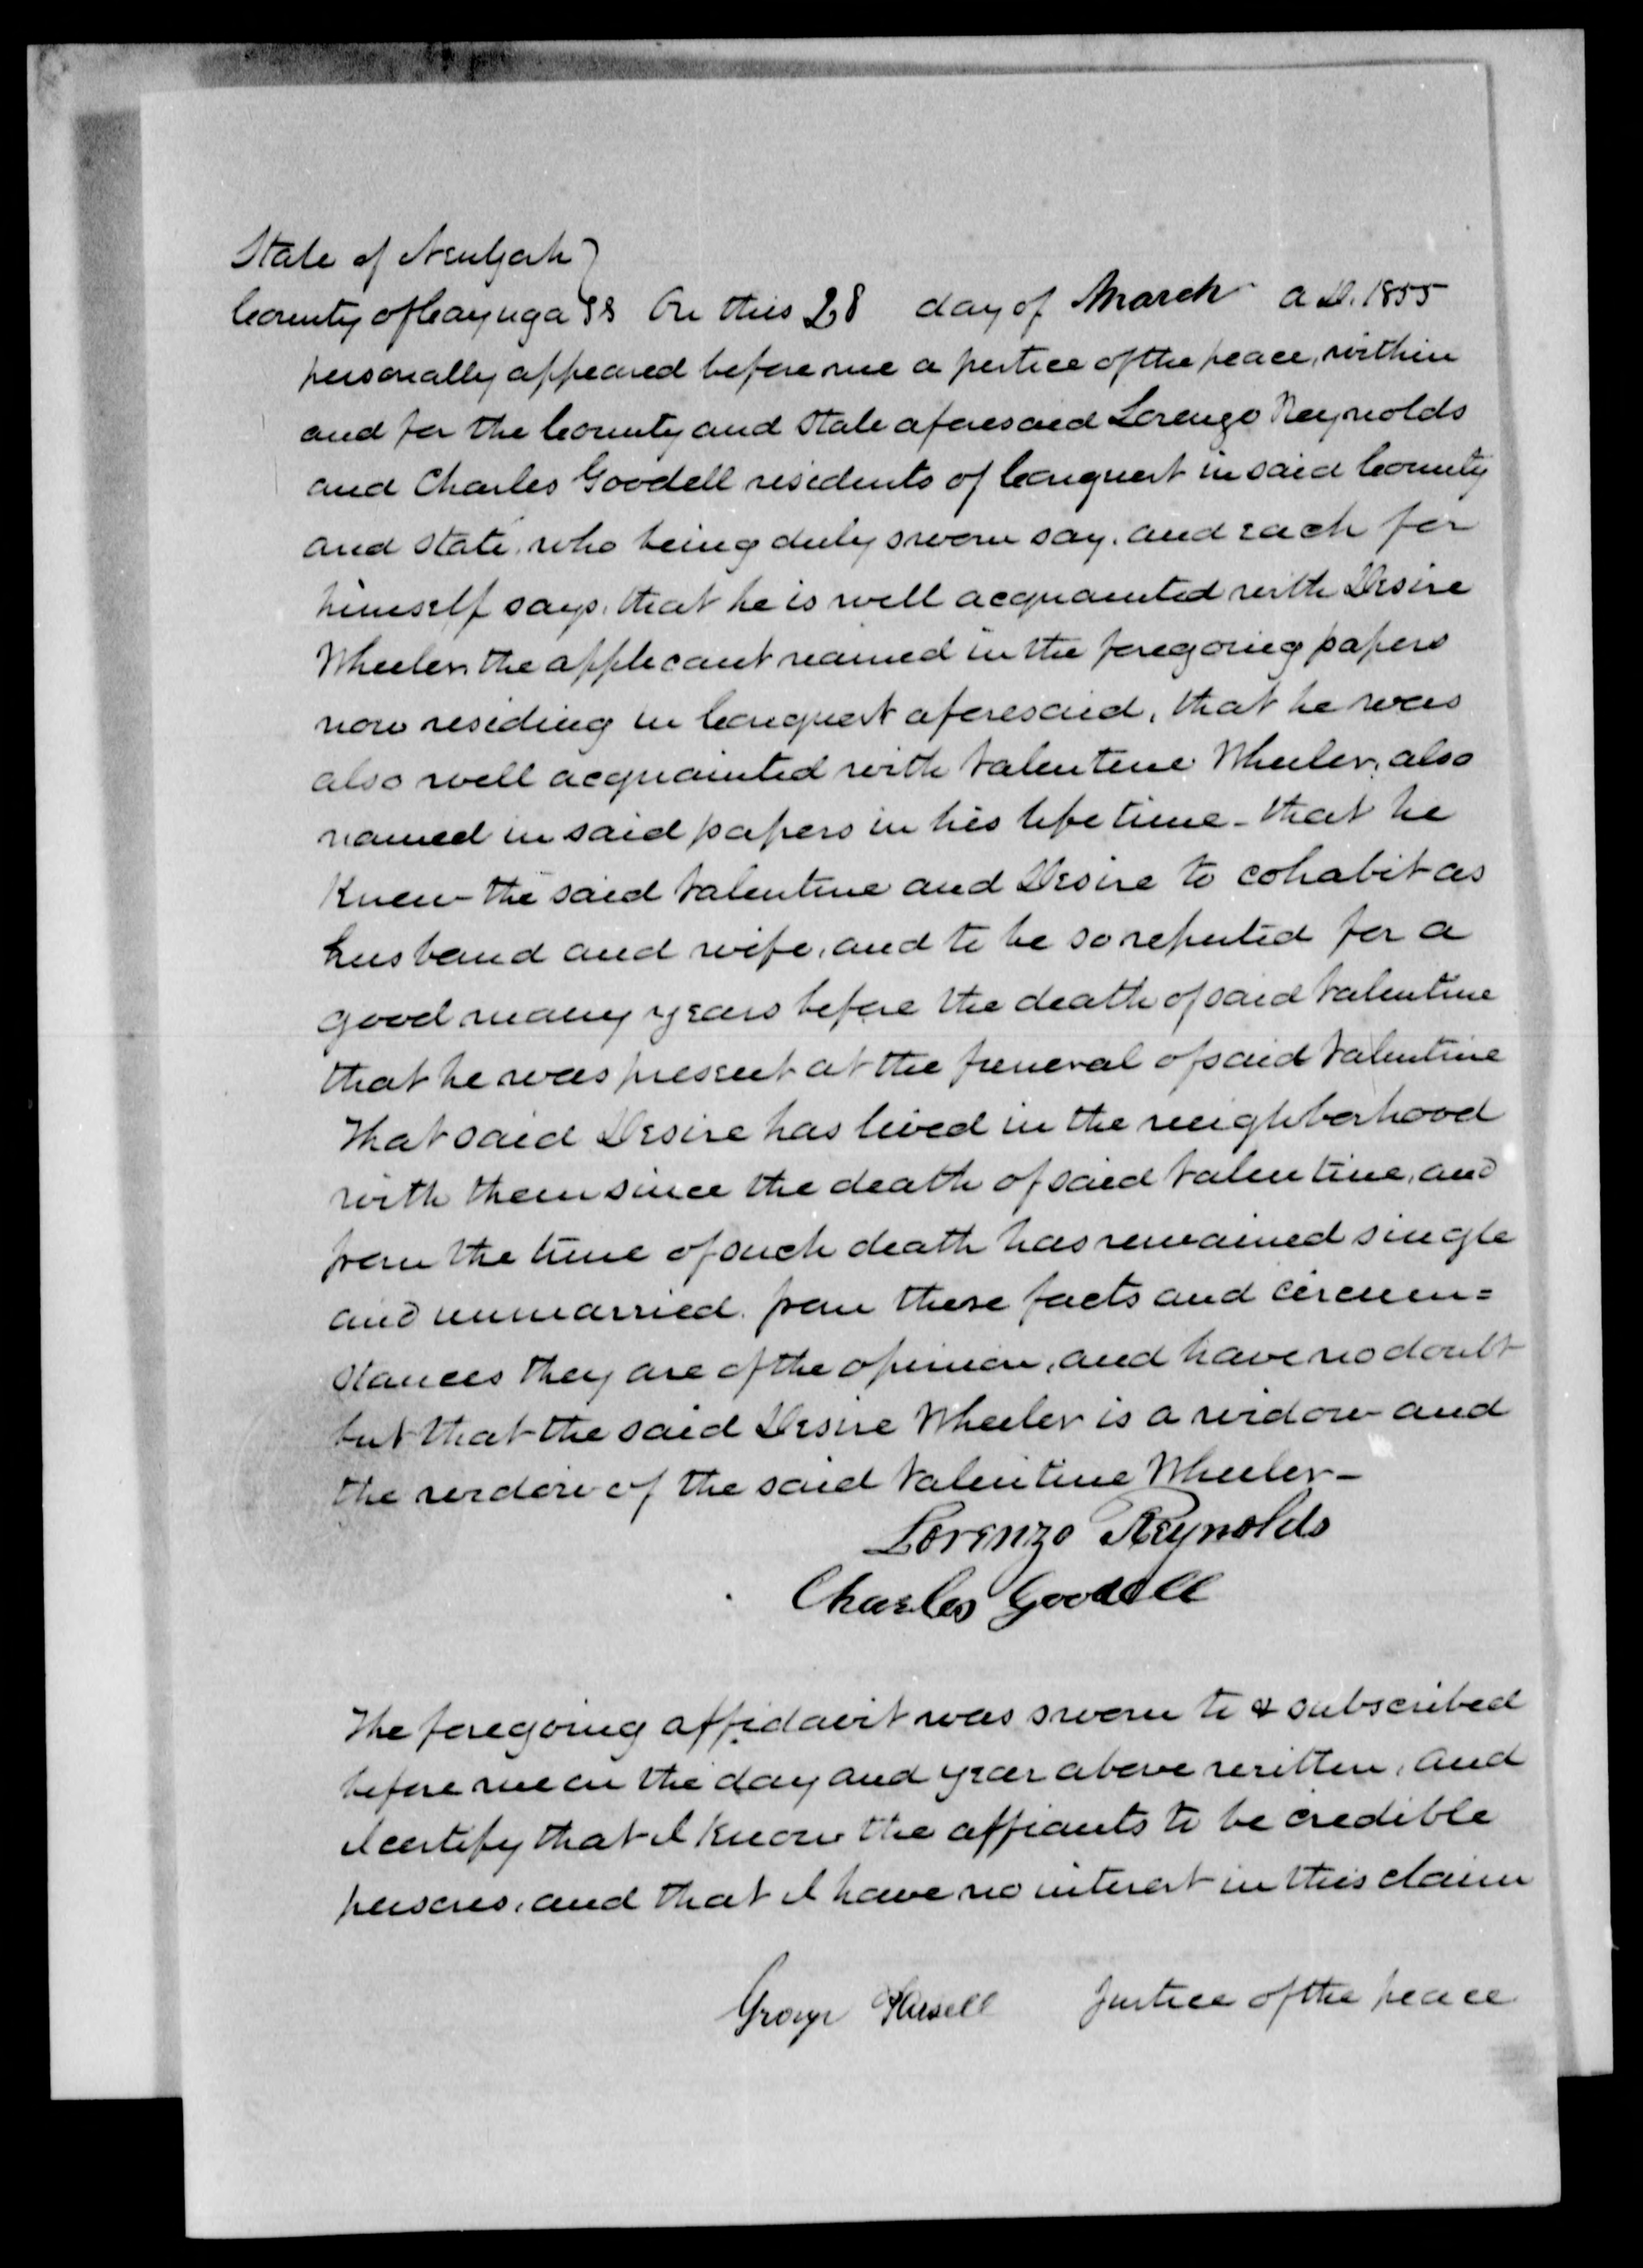State of New York
County of Cayuga ss.
On this 28 day of March A. D. 1855 personally appeared before me Justice of the peace within and for the County and State aforesaid Lorenzo Reynolds and Charles Goodell residents of Conquest in said County and State who being duly sworn say and each for himself says that he is well acquainted with Desire Wheeler the applicant named in the foregoing papers now residing in Conquest aforesaid. the he was also well acquainted with Valentine Wheeler, also named in said papers in his lifetime. That he knew the said Valentine and Desire to cohabit as husband and wife and to be so reputed for a good many years before the death of said Valentine. That he was present at the funeral of said Valentine. That said Desire has live in the neighborhood with them since the death of said Valentine and from the time of such death has remained single and unmarried. From these facts and circumstances they are of the opinion and have no doubt but that the said Desire Wheeler is a widow and the widow of the said Valentine Wheeler.
Lorenzo Reynolds
Charles Goodell
The foregoing affidavit was sworn to & subscribed before me on the day and year above written, and I certify that I know the affiants to be credible persons and that I have no interest in this claim.
George Parsell Justice of the Peace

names: Charles Goodell, Lorenzo Reynolds, Desire Wheeler, Valentine Wheeler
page: 21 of 98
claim: widow's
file: W. 1682, Valentine Wheeler, Mass.